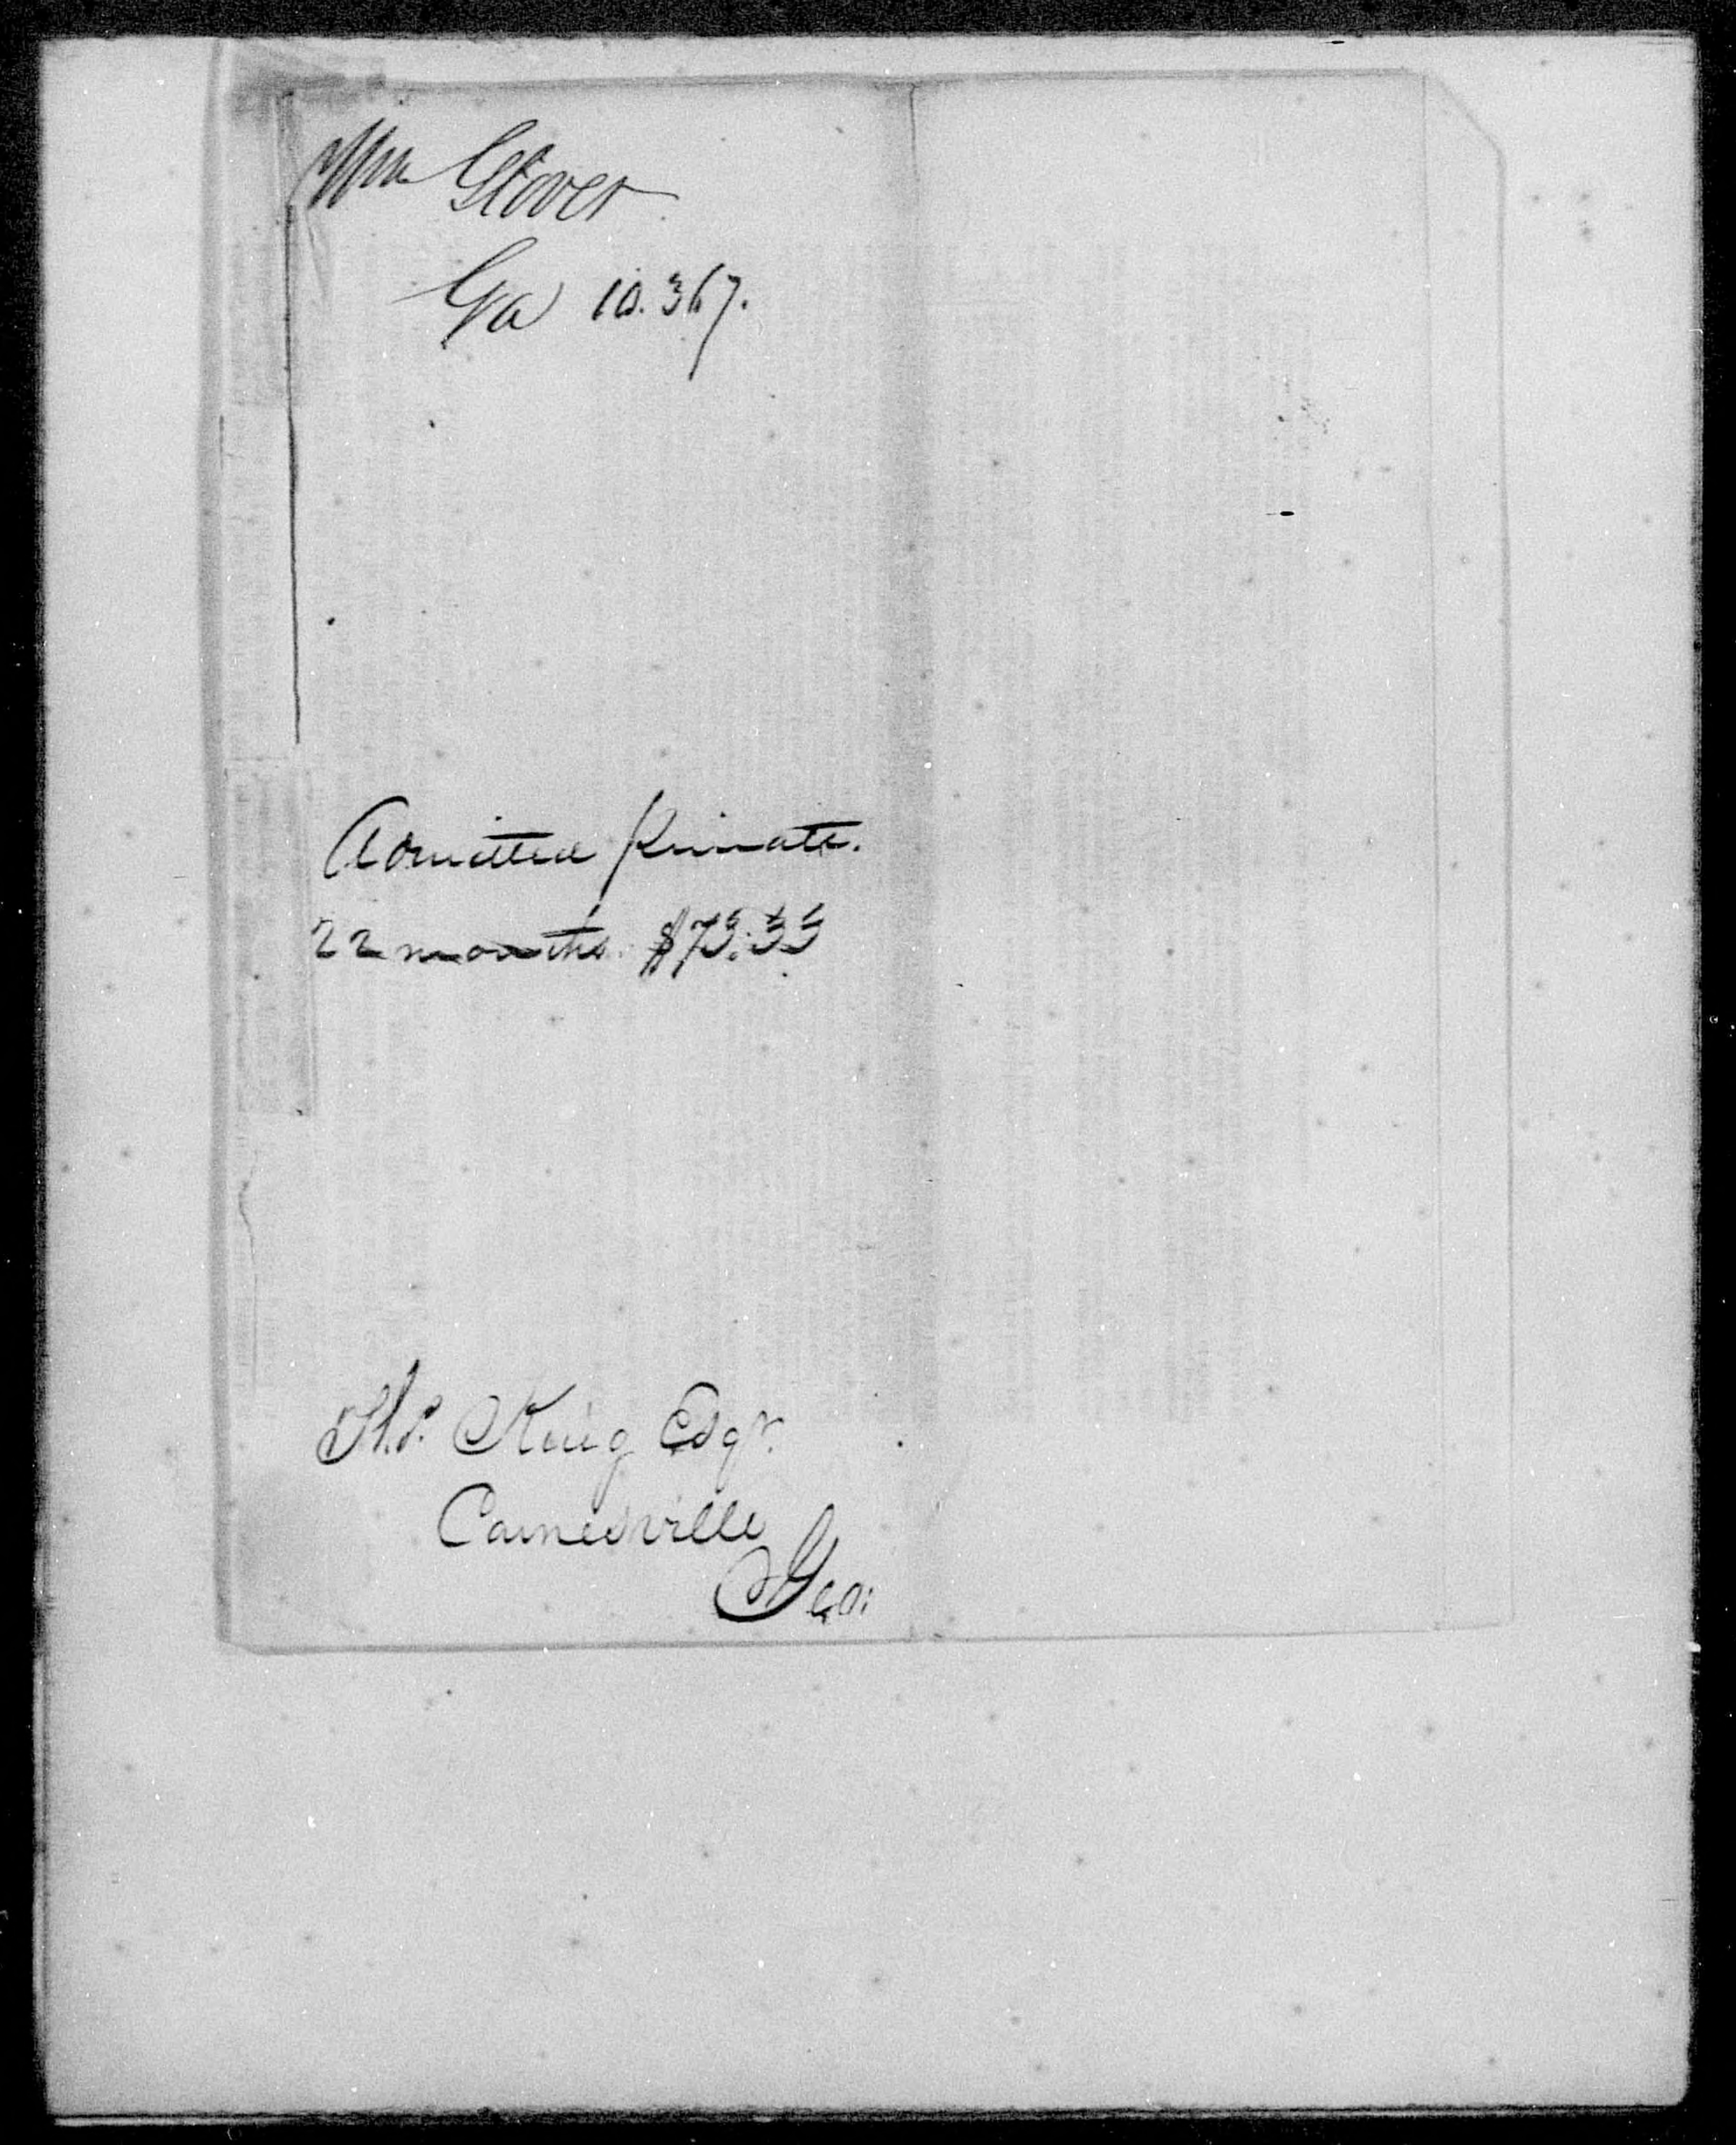William Glover 
Ga 10367.


[illegible] [illegible]

22 months $73.33


Thos King Esq. 
 Carnesville Ga:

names: Thos King, Wm Glover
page: 33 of 51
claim: widow's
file: W. 929, William Glover, N.C.